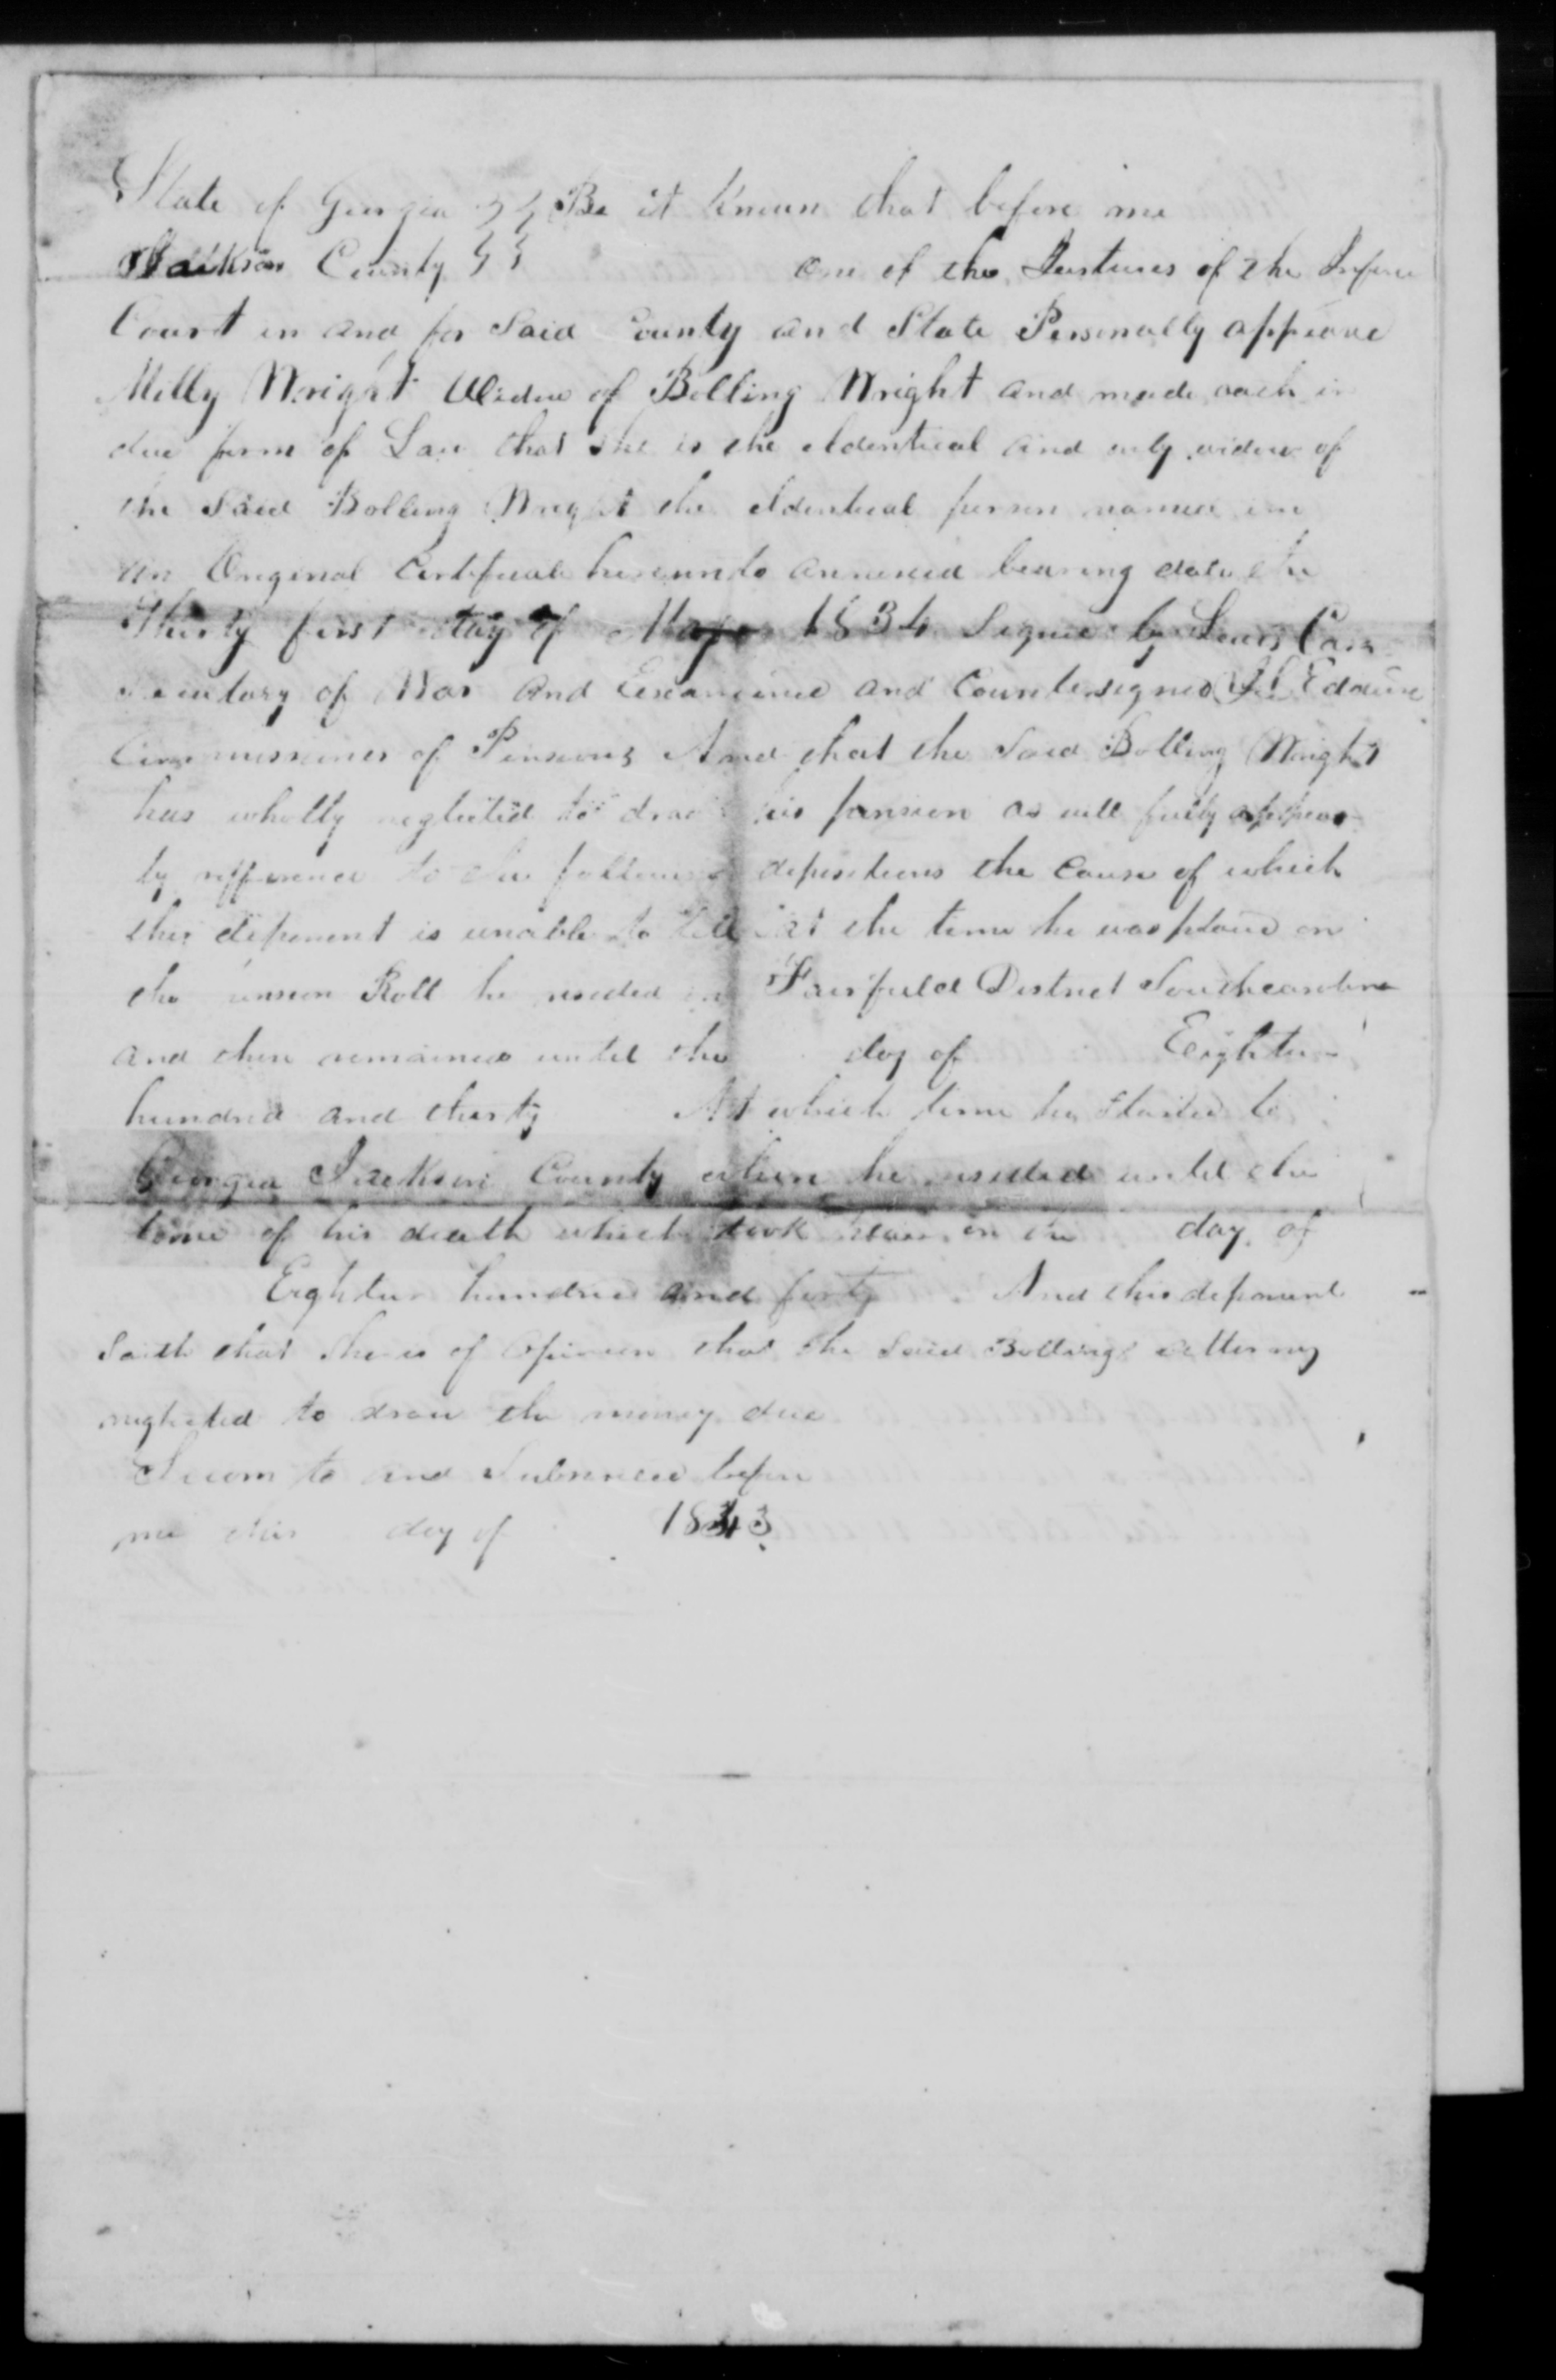State of Georgia  Be it known that before me
Jackson County ⎬one of the Justices of the Inferior
Court in and for said County and State personally appeared
Milly Wright widow of Bolling Wright and made each in
due form of Law that she is the identical and only widow of
the said Bolling Wright the identical person named in
the Original Certificate hereunto annexed bearing dated the
Thirty first day of May 1834 Signed by [Illegible]
Secretary of War and Examine and Countersigned J L Edwards
Commimoner of Pension And that the said Bolling Wright
has wholly neglected to draw his pension as will fully appear
by refference to following depositions the cause of which
this deponent is unable to tell at the time he was placed on
the Roll he resided in Fairfield District South Carolina
and then remained until the ____ day of  ____ Eighteen
hundred and thirty ____ At which time he started to
Georgia Iron County where he resided until the
time of his death which took place in the ____ day of
Eighteen hundred and forty And this deponent
saith that she is of opinion that the said Bollings attorney
neglected to draw the money due
Sworn to and Subscirbed before
me this ____ day of ____1843.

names: Bolling Wright, Milly Wright, J L Edwards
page: 60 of 81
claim: widow's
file: W. 5183, Bolling Wright, Va.